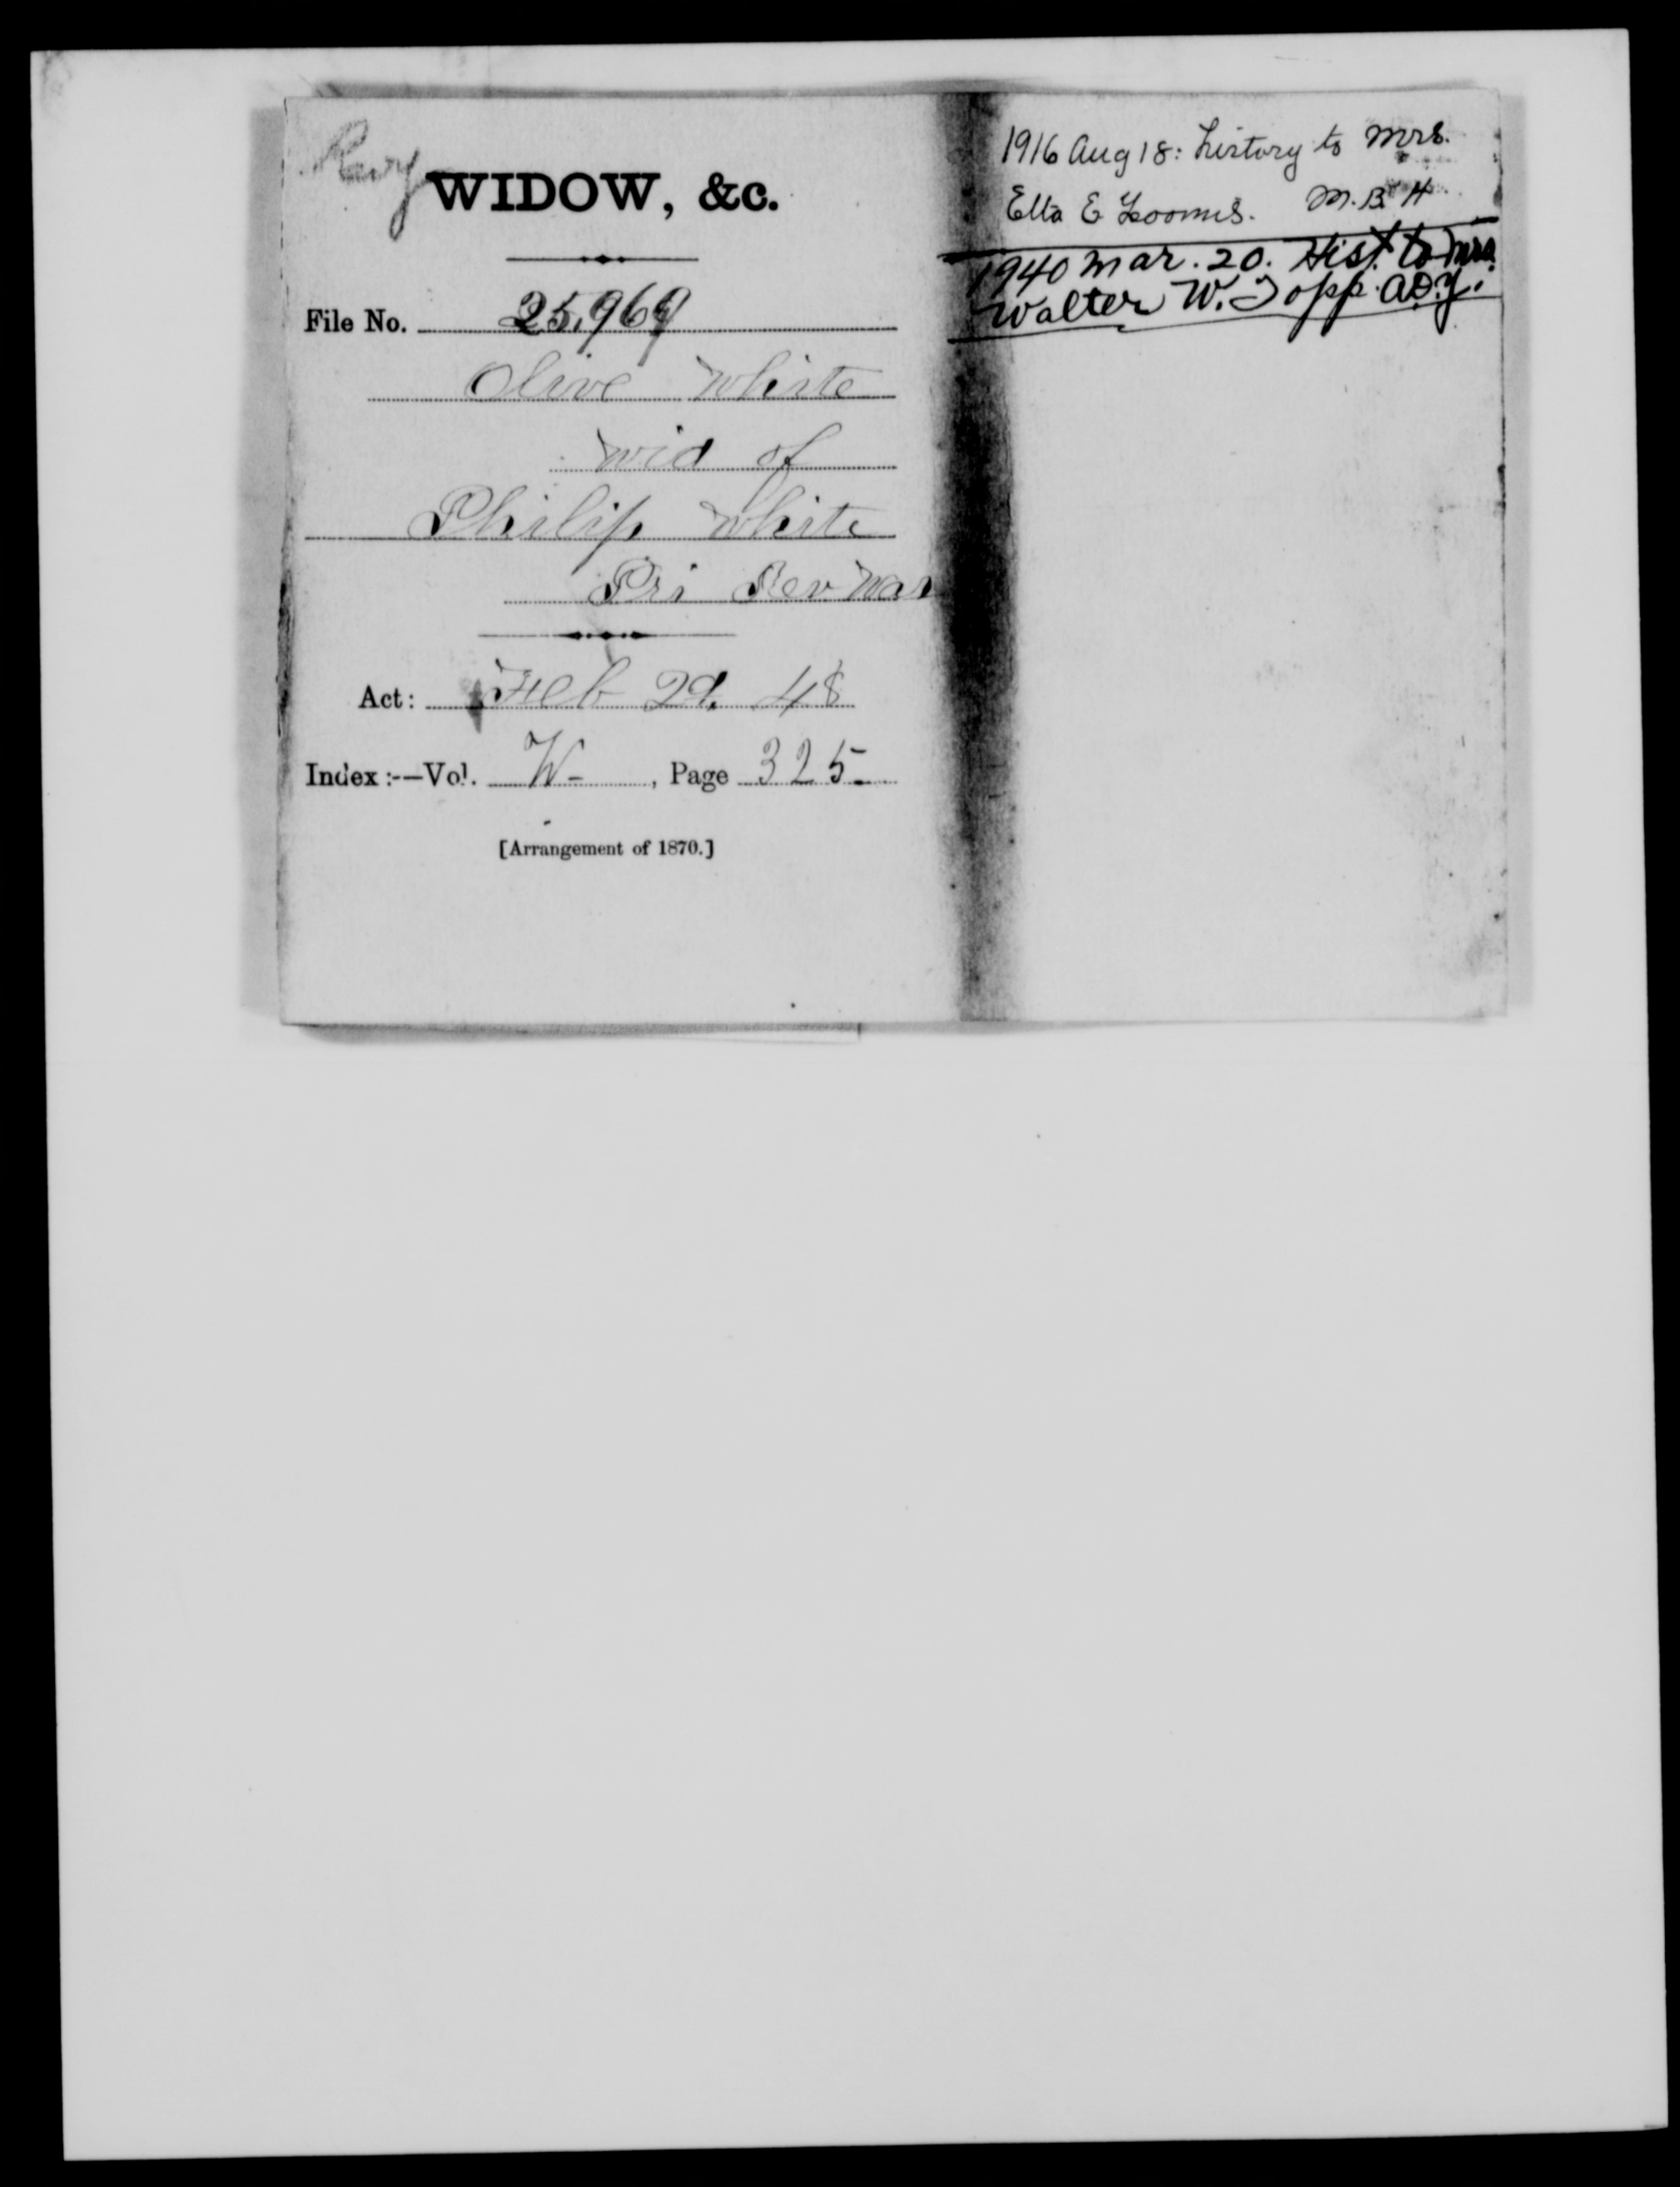Revy 

WIDOW, &c.

File No. 25969
Olive White
wid of
Philip White
Pri Rev War

Act: Feb 29, 48
Index: -- Vol. W, Page 325

(Arrangement of 1870.]

1916 Aug 18: history to Mrs.
Ella E Loomis M.B. H
1940 Mar. 20 Hist to Mrs.
Walter W. Topp A.D.Y.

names: Philip White, Etta E Loomis, Walter W Topp, Olive White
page: 32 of 50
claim: widow's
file: W. 25,969, Philip White, Conn.